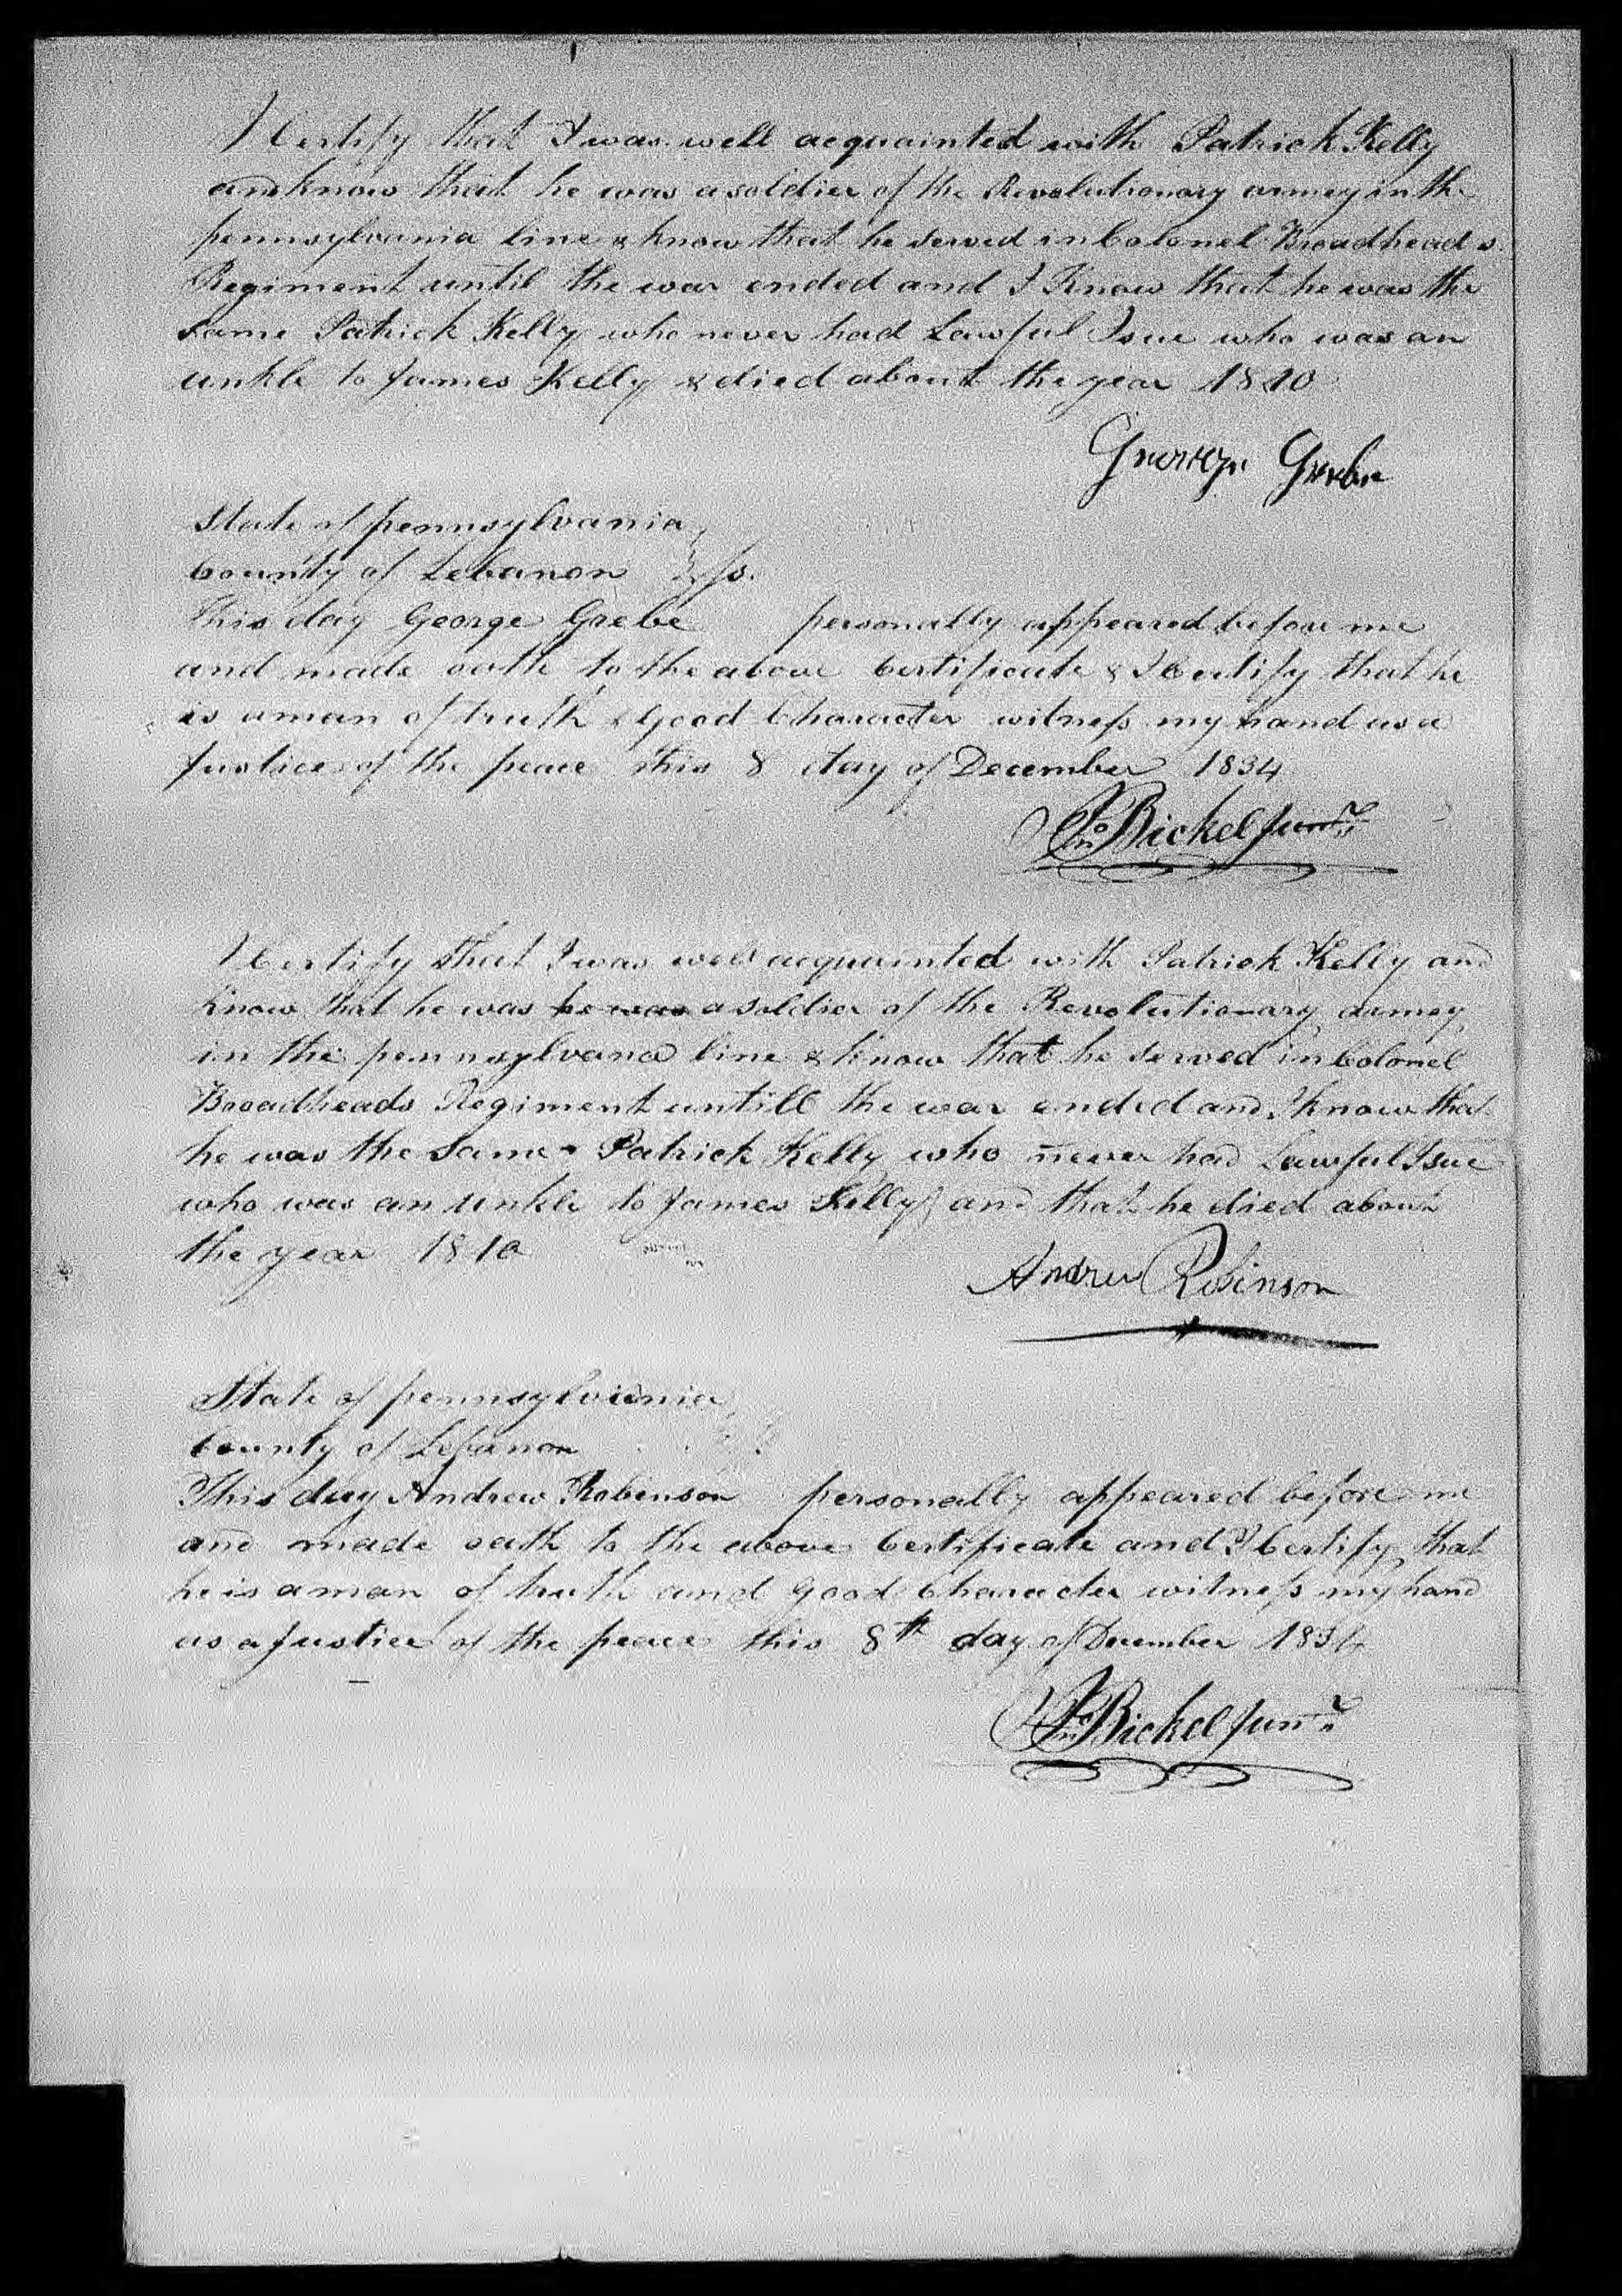I certify that I was well acquainted with Patrick Kelly and know that he was a soldier of the Revolutionary army on the Pennsylvania line & know that he served in Colonel Broadheads Regiment until the war ended and I know that he was the same Patrick Kelly who never had Lawful Issue who was an uncle to James Kelly & died about the year 1810.
                    George Grebe

State of Pennsylvania
County of Lebanon SS.
This day George Grebe personally appeared before me and made oath to the above certificate.  I certify that he is a man of truth & good character, witness my hand as a Justice of the Peace this 8 day of December 1834,
               Jno. Bickel Junior

I certify that I was well acquainted with Patrick Kelly and know that he was a soldier in the Revolutionary army in the Pennsylvania line & know that he served in Colonel Broadheads Regiment untill (sic) the war ended and know that he was the same Patrick Kelly who never had lawful issue who was an uncle to James Kelly and that he died about the year 1810.
              Andrew Robinson

State of Pennsylvania
County of Lebanon
This day Andrew Robinson personally appeared before me and made oath to the above certificate and I certify, that he is a man of truth and good character witness my hand as a Justice of the Peace this 8th day of December 1836.

                    Jno Bickel Junior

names: Jno Bickel; George Grebe; Patrick Kelly; James Kelly; Andrew Robinson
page: 4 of 11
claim: bounty land warrant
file: B. L. Wt. 2110-100, for Patrick Kelly, Pennsylvania